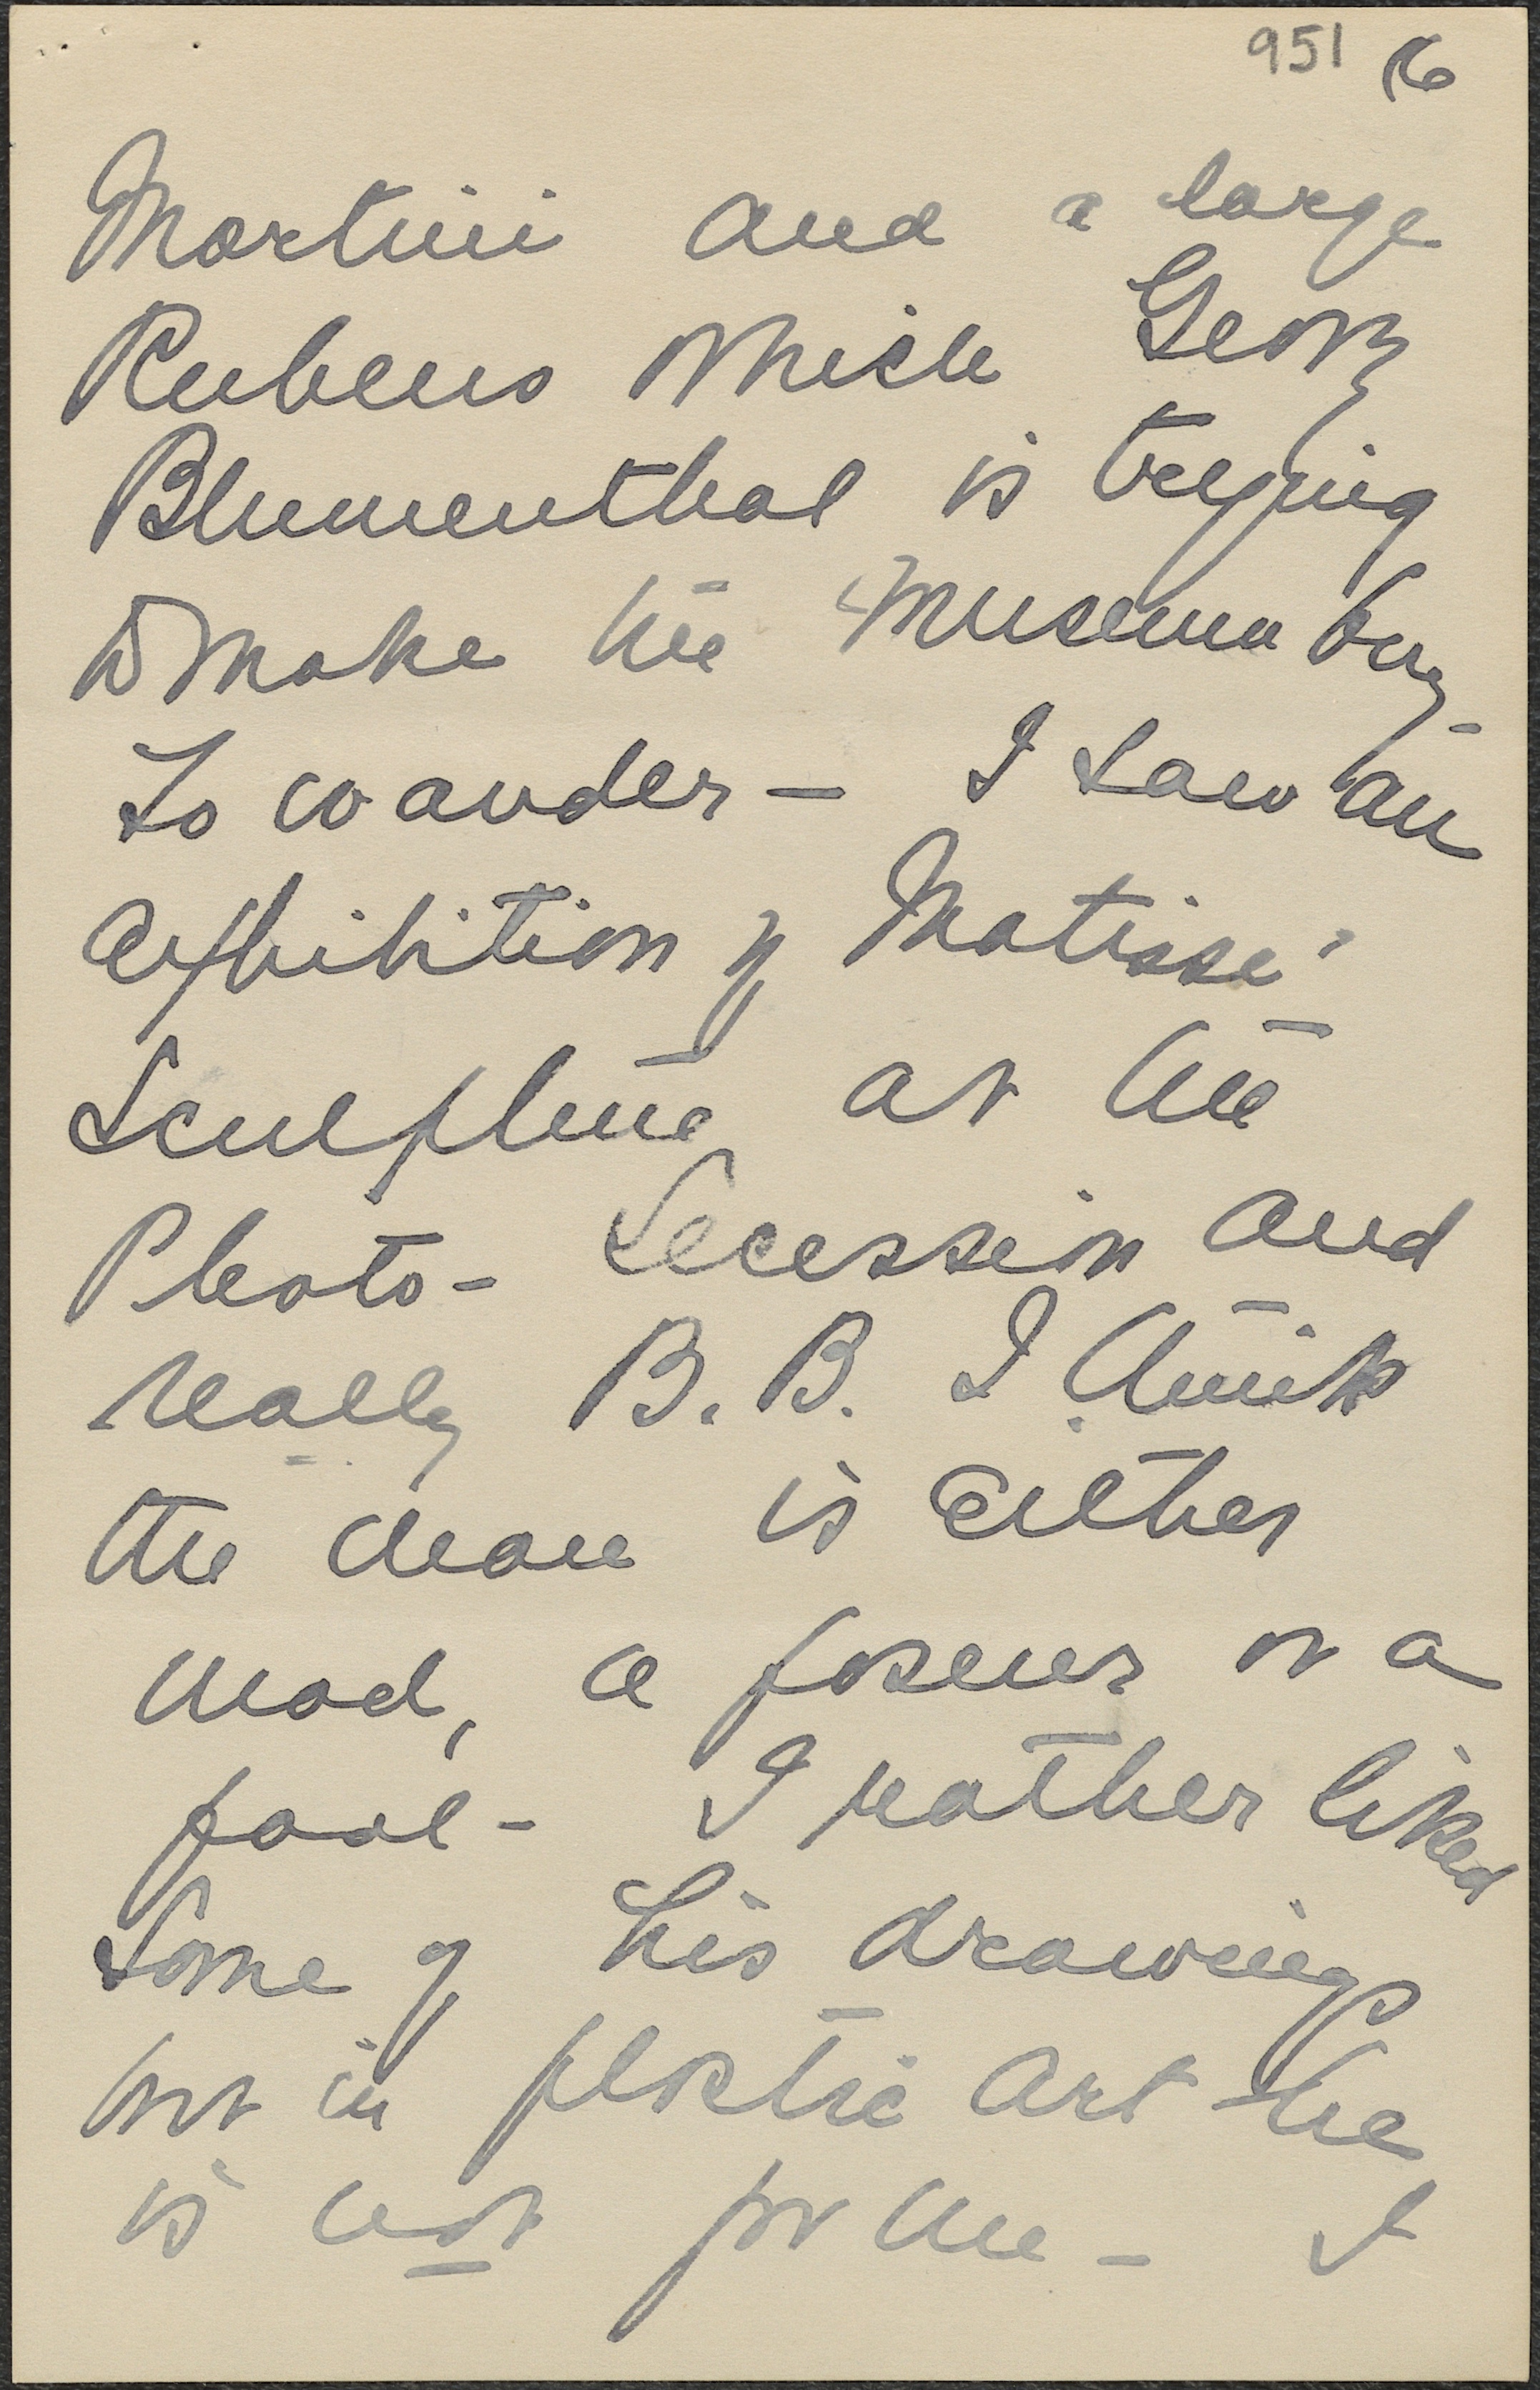(6
Martini and a large Rubens which George Blumenthal is trying to make the museum buy – To wonder – I saw an exhibition of Matisse’ sculptures at the Photo-Secession and really B. B. I think the man is either mad, a poseur or a fool – I rather liked some of his drawings but in plastic art he is not for me – I